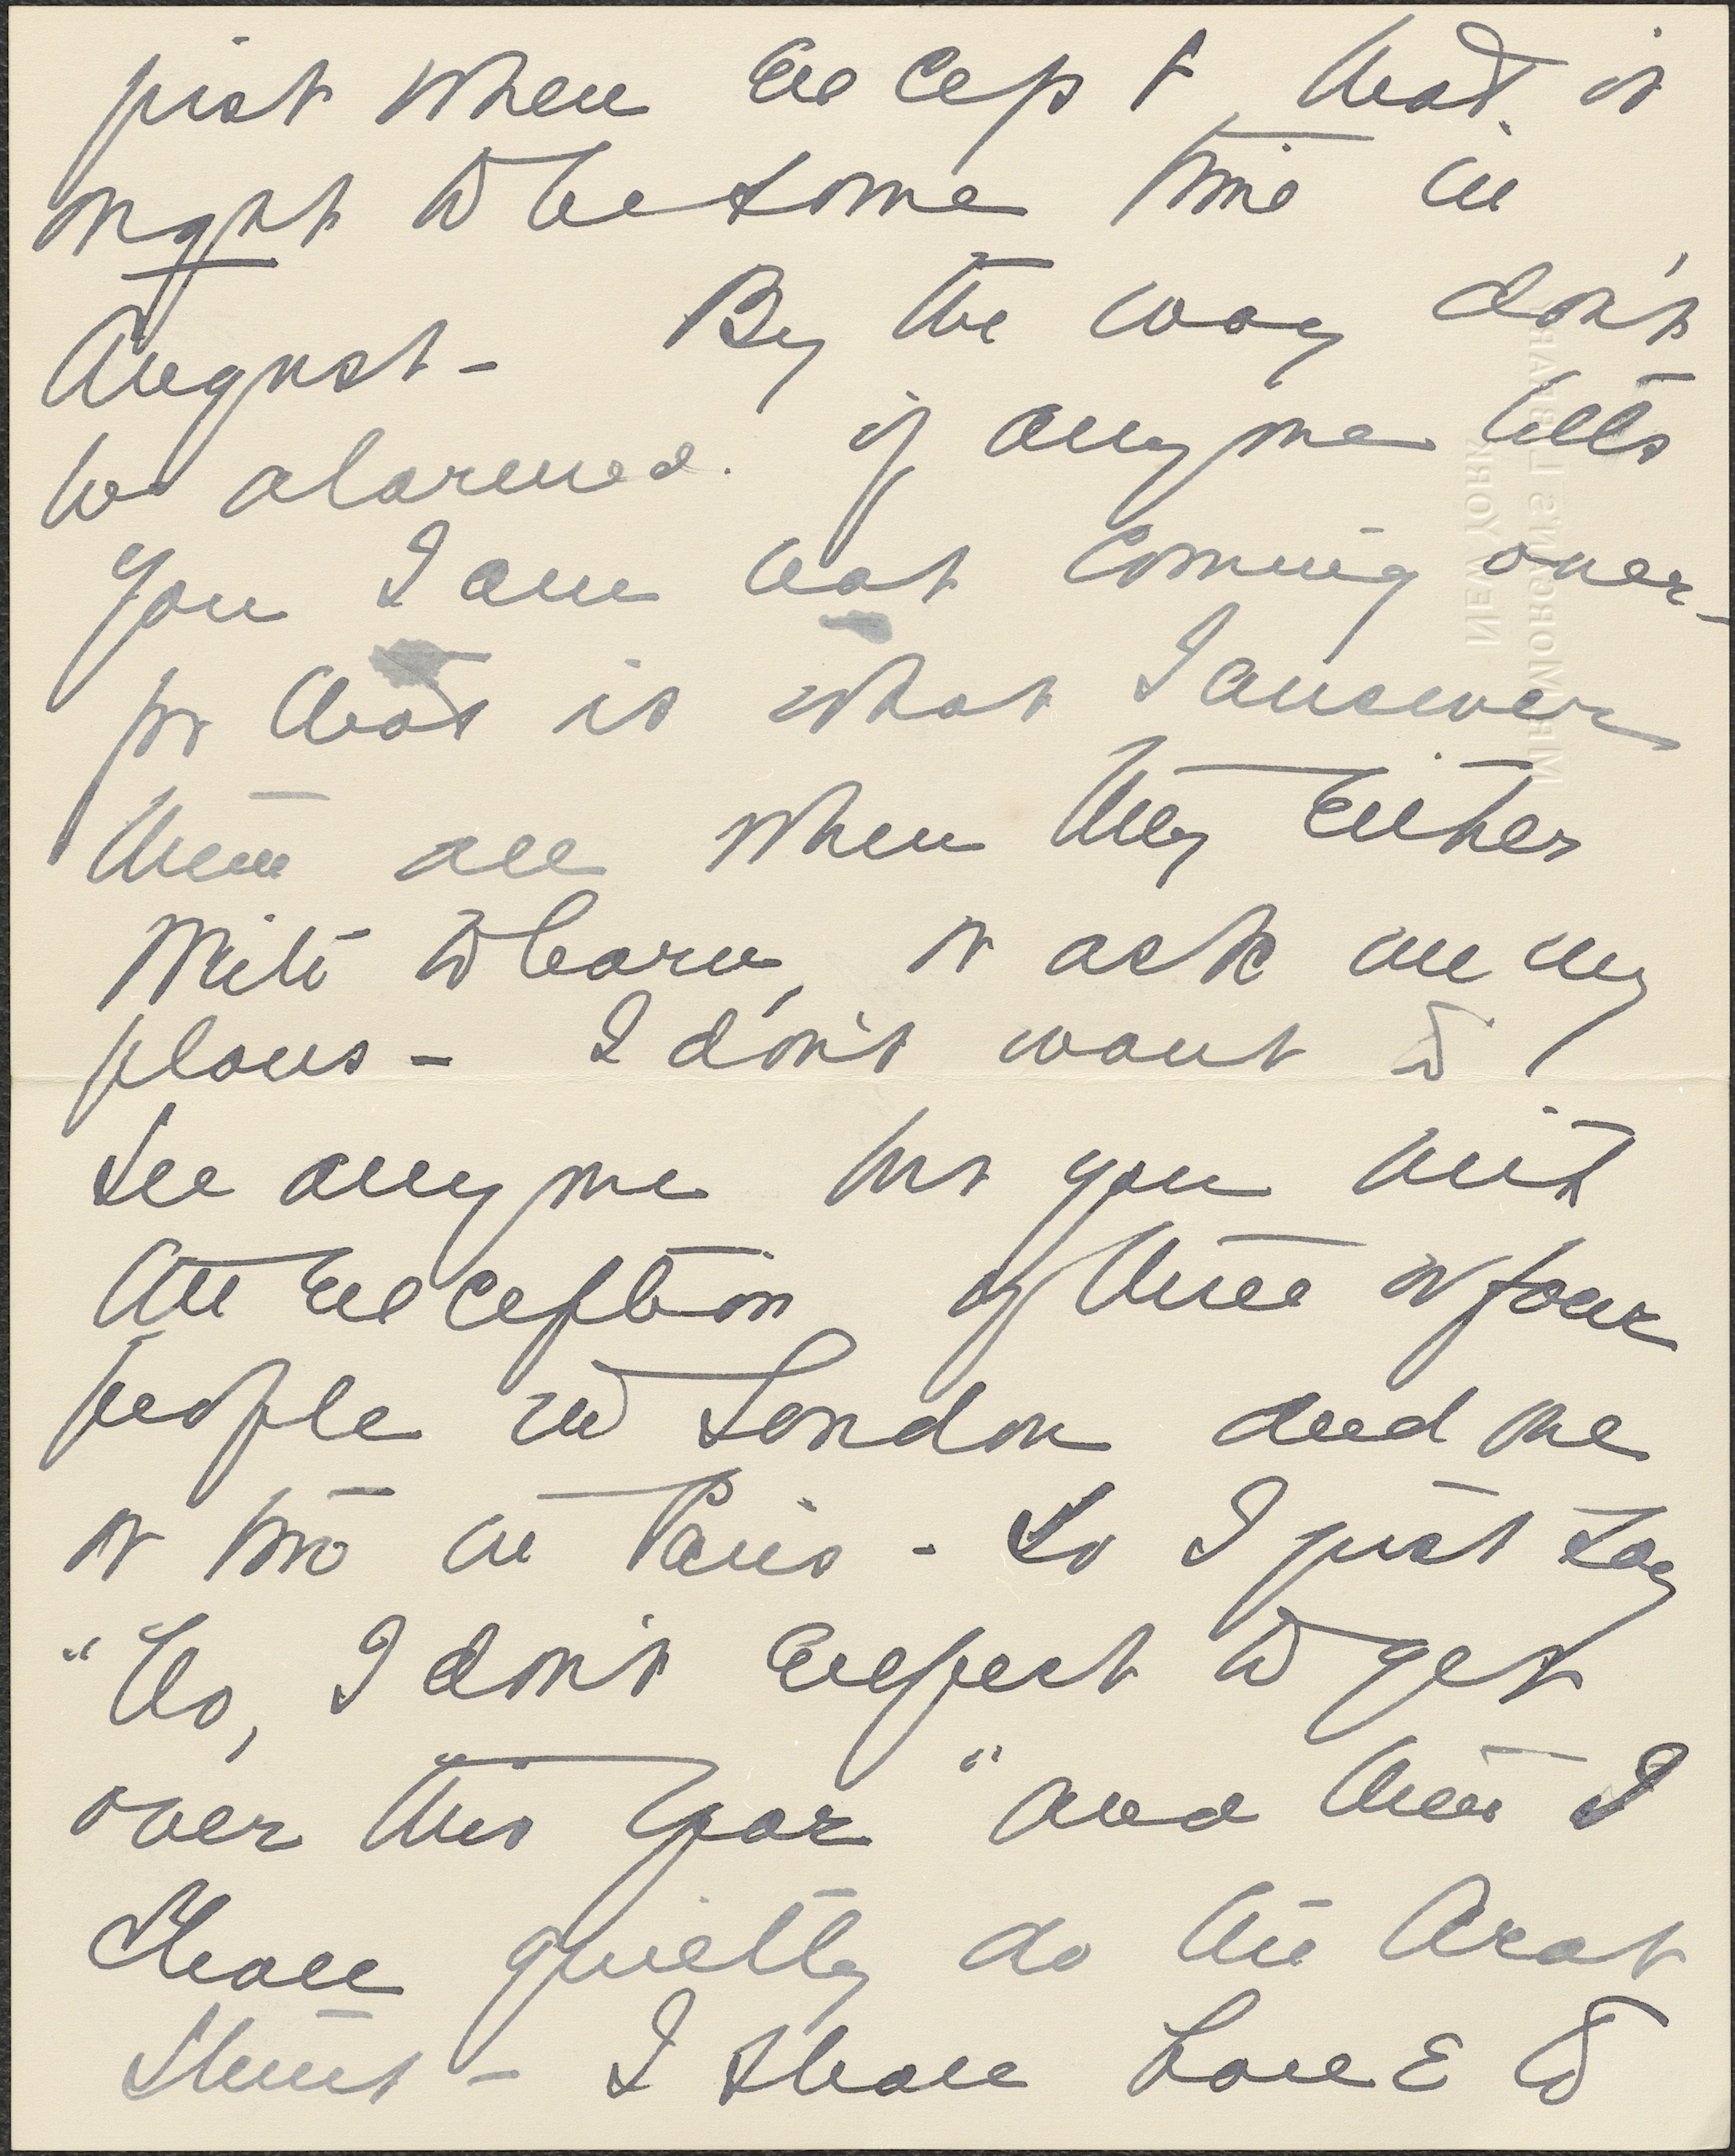just when except that it ought to be some time in August – By the way don’t be alarmed if anyone tells you I am not coming over – for that is what I answer them all when they either write to learn, or ask me my plans – I don’t want to see anyone but you with the exception of three or four people in London and one or two in Paris – so I just say “No, I don’t expect to get over this year” and then I shall quietly do the Arab stunt – I shall have to